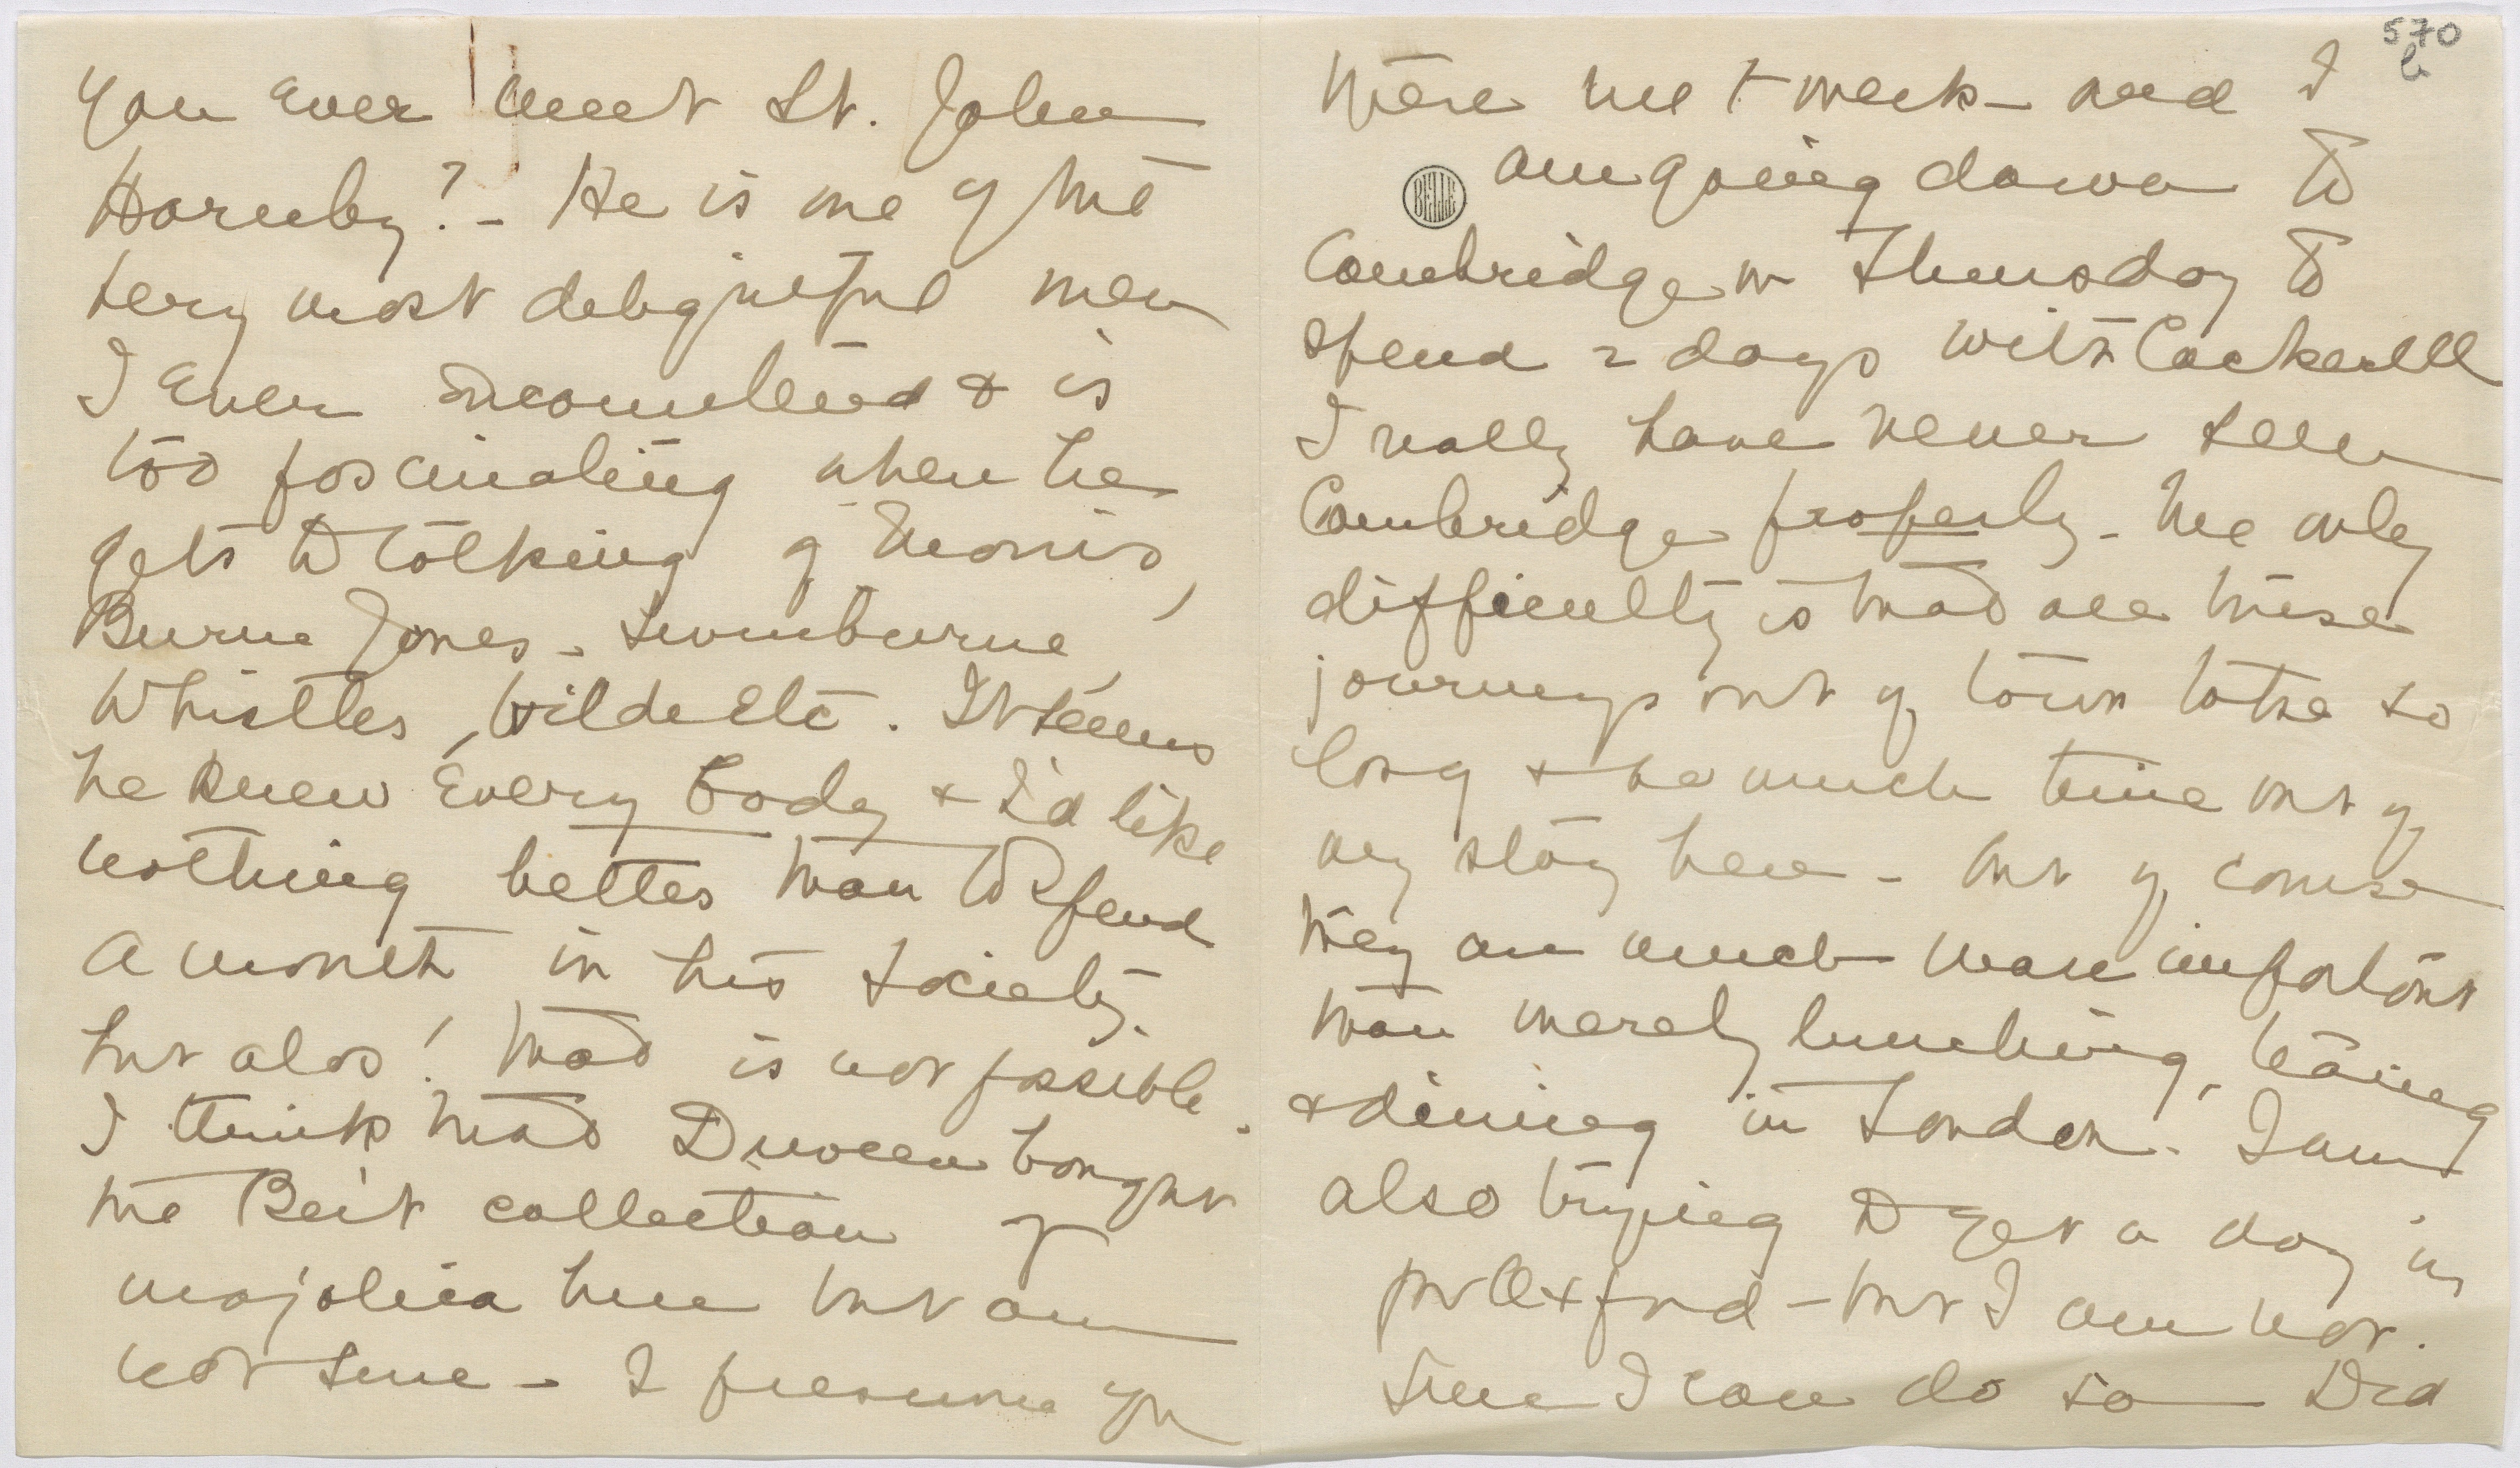then next week and I am going down to Cambridge on Thursday to spend 2 days with Cockrell
I really have never seen Cambridge properly. The only difficulty is that all these journeys out of town take so long & so much time out of my stay here – but of course they are much more important than merely lunching, teaing & dining in London. I am also trying to get a day in for Oxford – but I am not sure I can do so – Did
you ever meet Lt. John Hornby? – He is one of the very most delightful men I ever encountered & is too fascinating when he gets to talking of Morris, Burne Jones, Swinburne, Whistler, Wilde etc. It seems he knew every body & I’d like nothing better than to spend a month in his society. but alas! That is not possible. I think that Duveen bought the Beit collection of majolica here but am not sure – I presume you